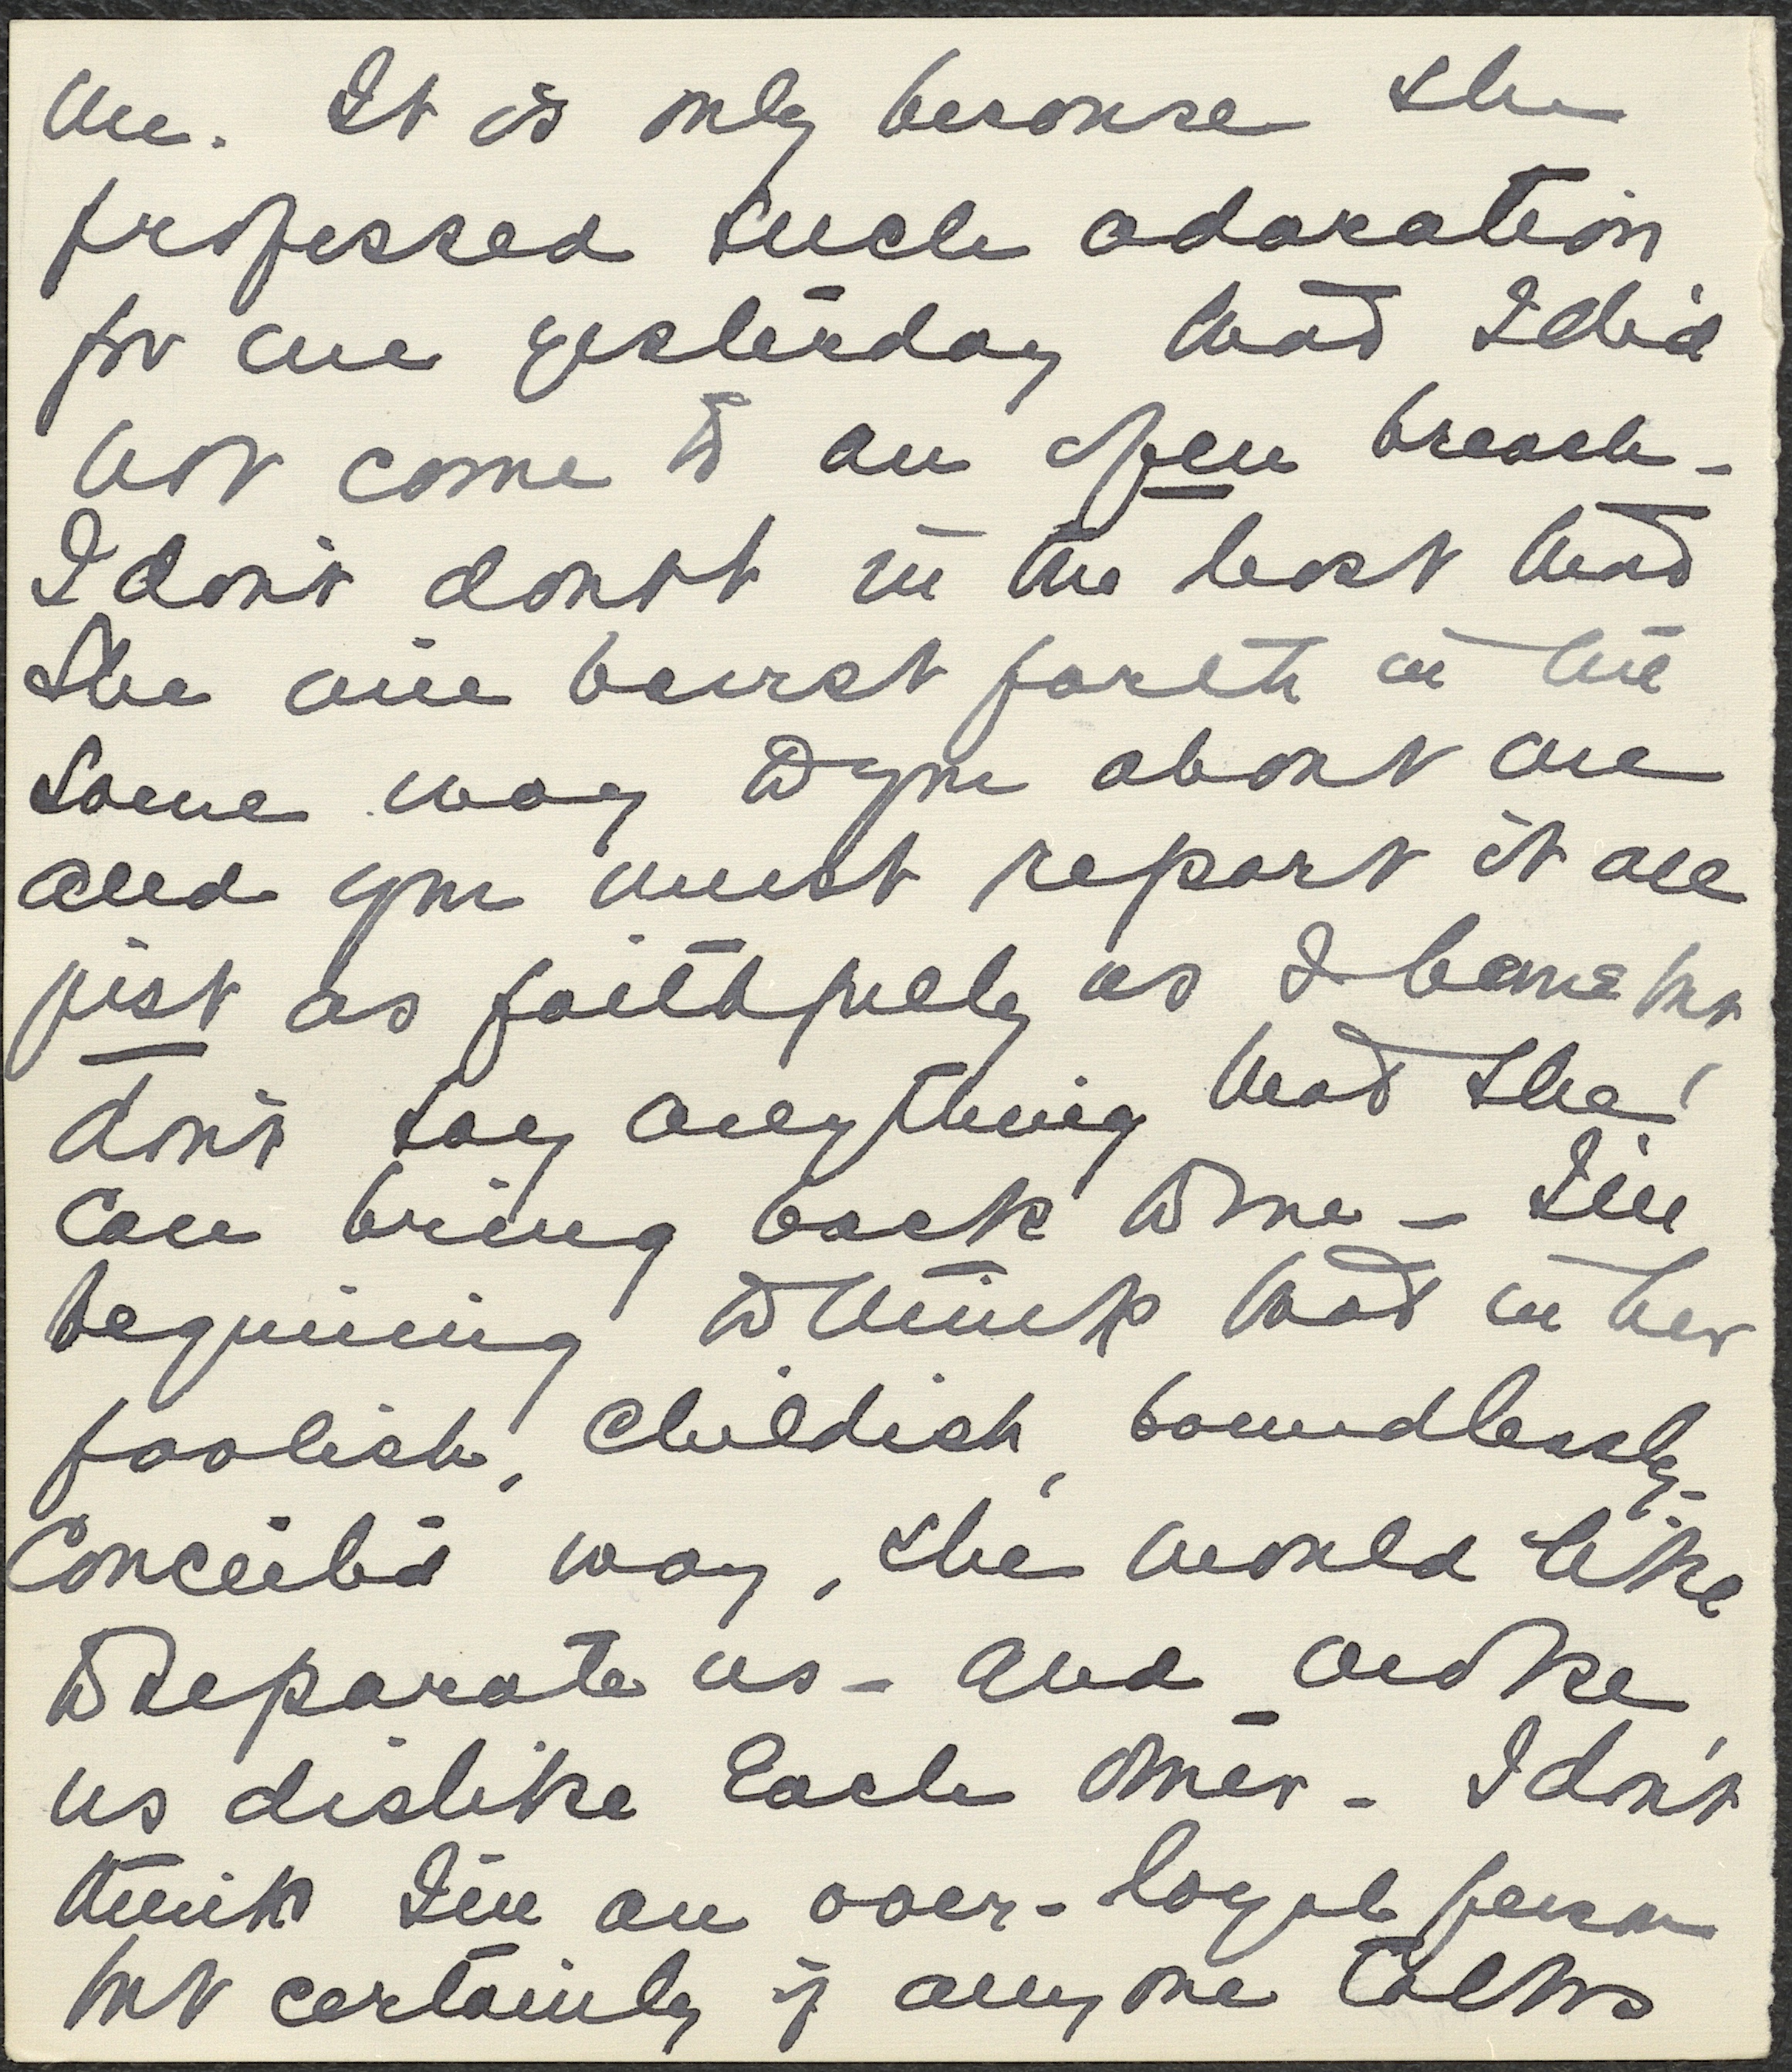me. It is only because she professed such adoration for me yesterday that I did not come to an open breach – I don’t doubt in the least that she will burst forth in the same way to you about me and you must report it all just as faithfully as I have but don’t say anything that she can bring back to me – I’m beginning to think that in her foolish, childish, boundlessly conceited way, she would like to separate us – and make us dislike each other – I don’t think I’m an over-loyal person but certainly if anyone talks